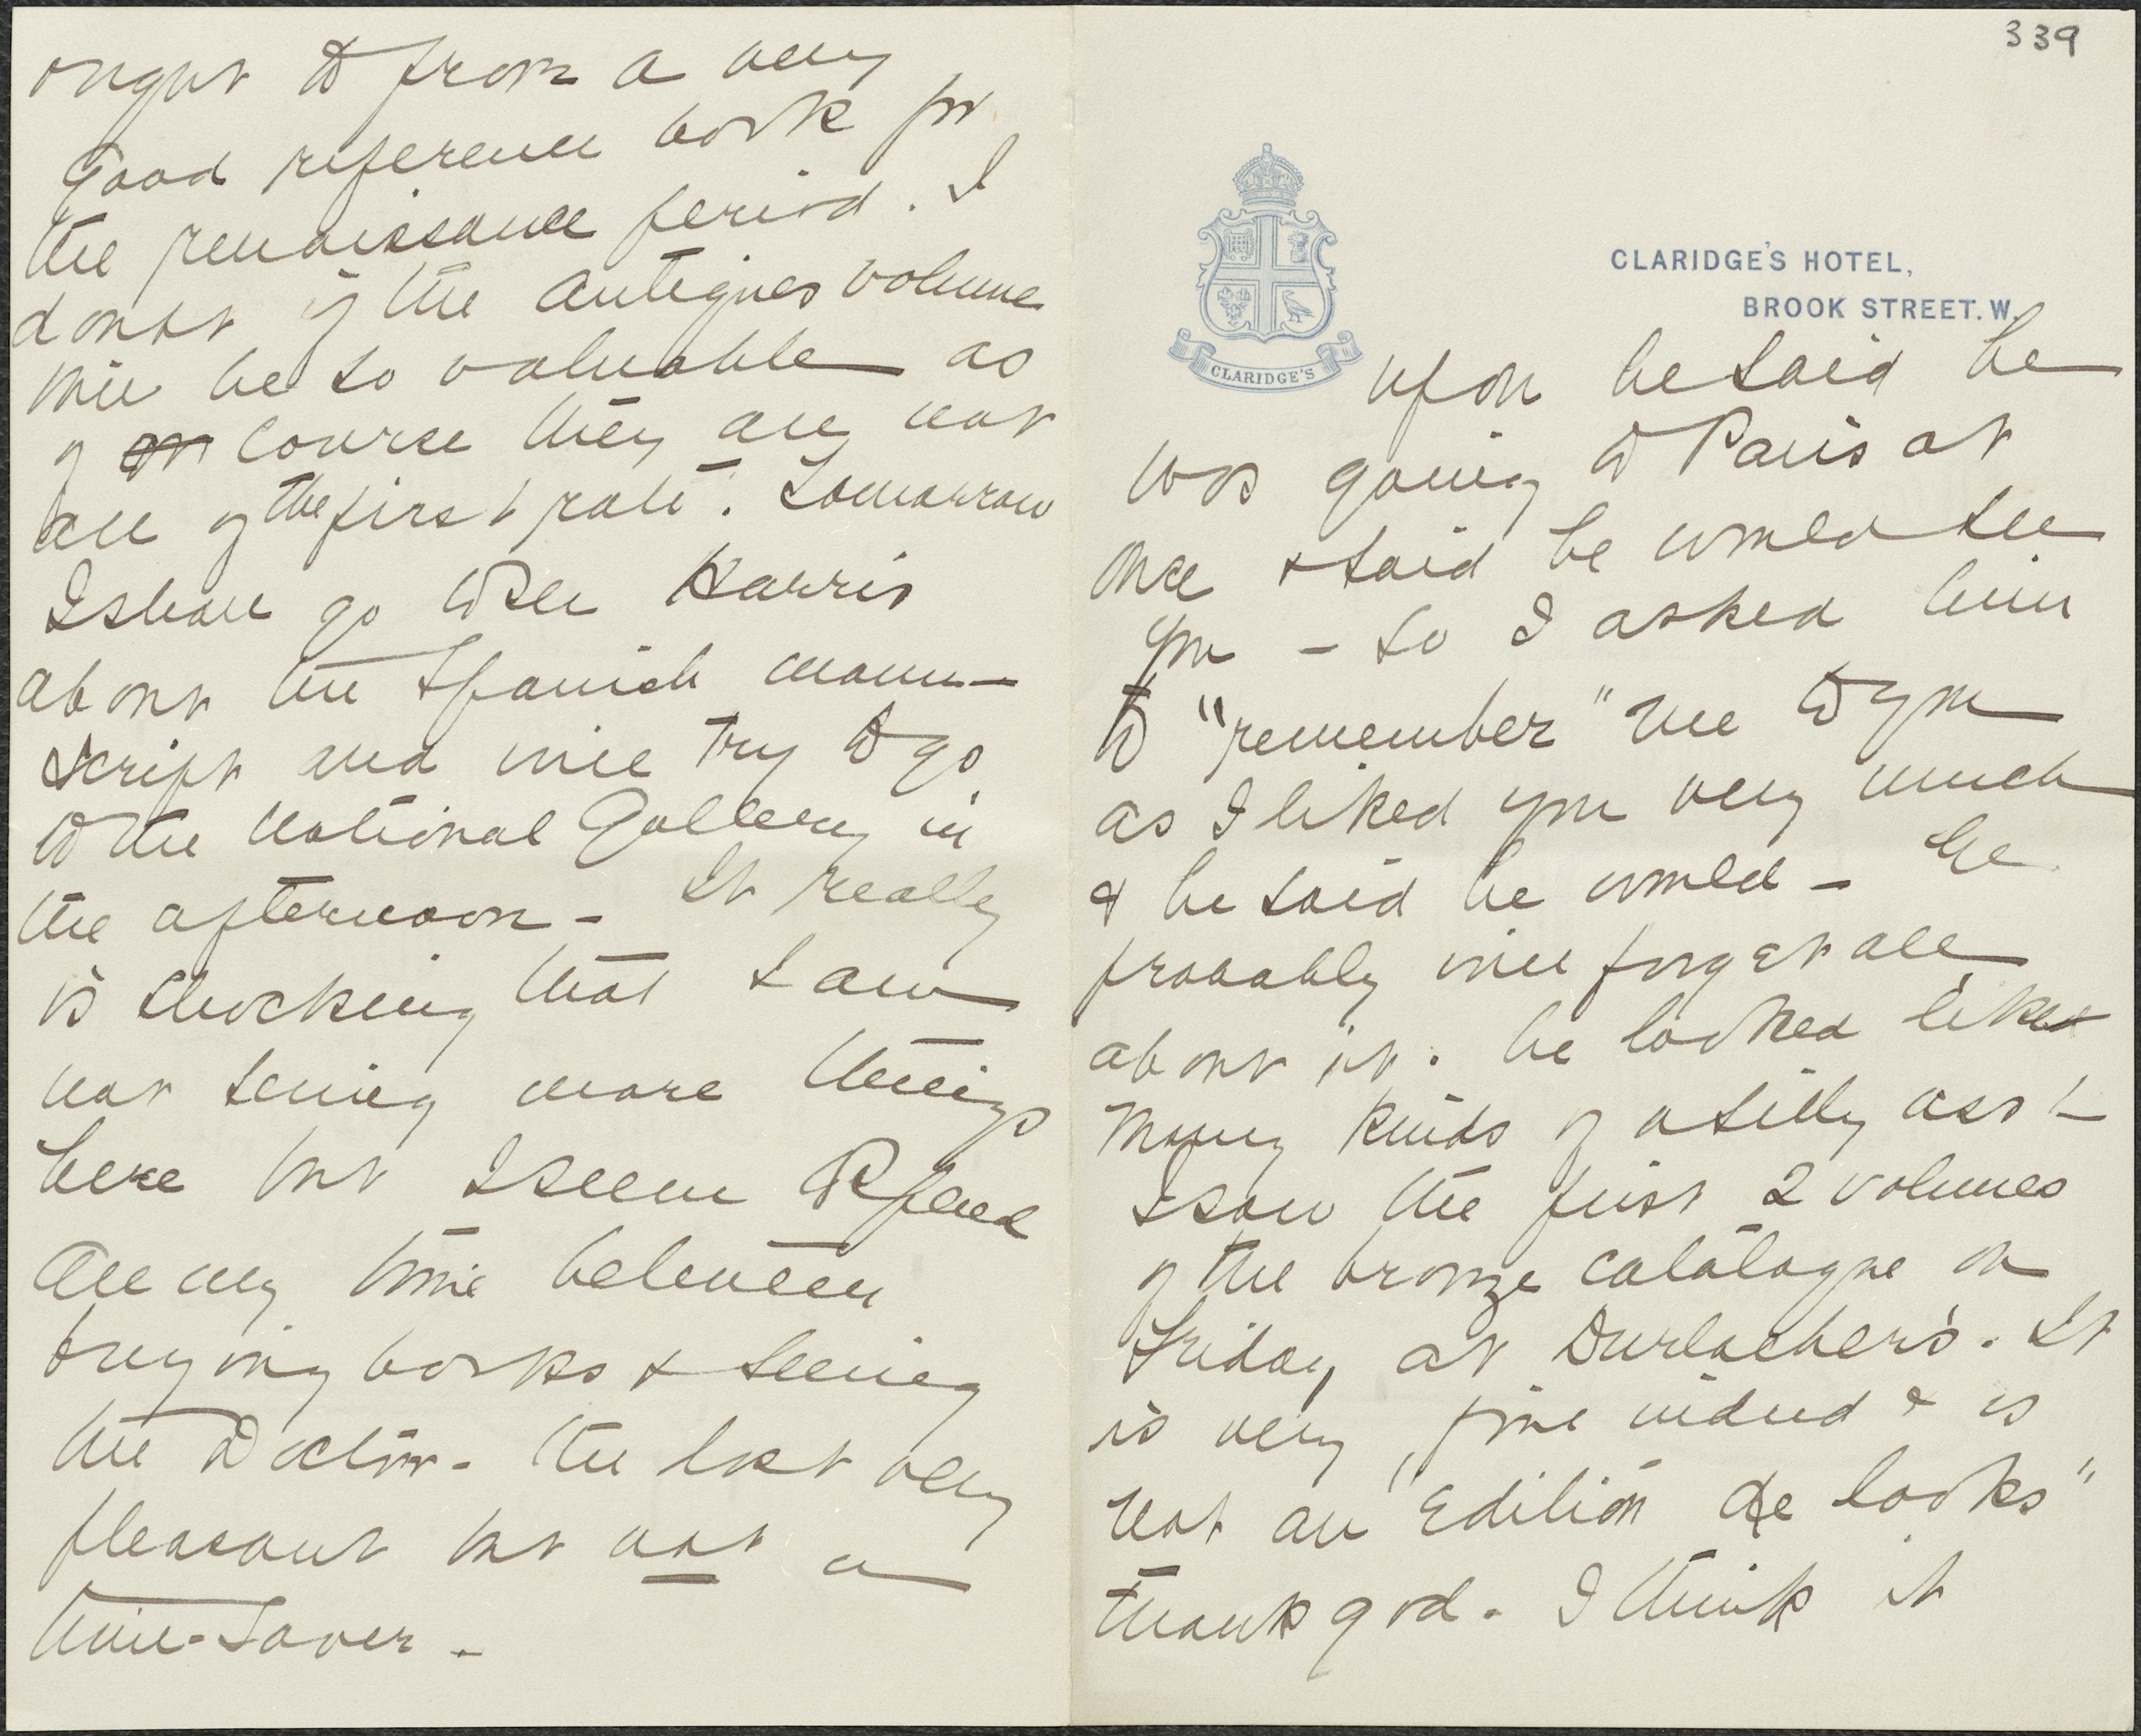he said he was going to Paris at once & said he would see you – so I asked him to “remember” me to you as I liked you very much & he said he would – He probably will forget all about it. he looked like many kinds of a silly ass – I saw the first 2 volumes of the bronze catalogue on Friday at Durlacher’s. It is very fine indeed & is not an “edition de looks” thank god. I think it
ought to from [sic] a very good reference book for the renaissance period. I doubt if the antiques volume will be so valuable as an of course they are not all of the first rate. Tomorrow I shall go to see Harris about the Spanish manuscript and will try to go to the National Gallery in the afternoon – It really is shocking that I am not seeing more things here but I seem to spend all my time between buying books & seeing the Doctor – the last very pleasant but not a time-saver –